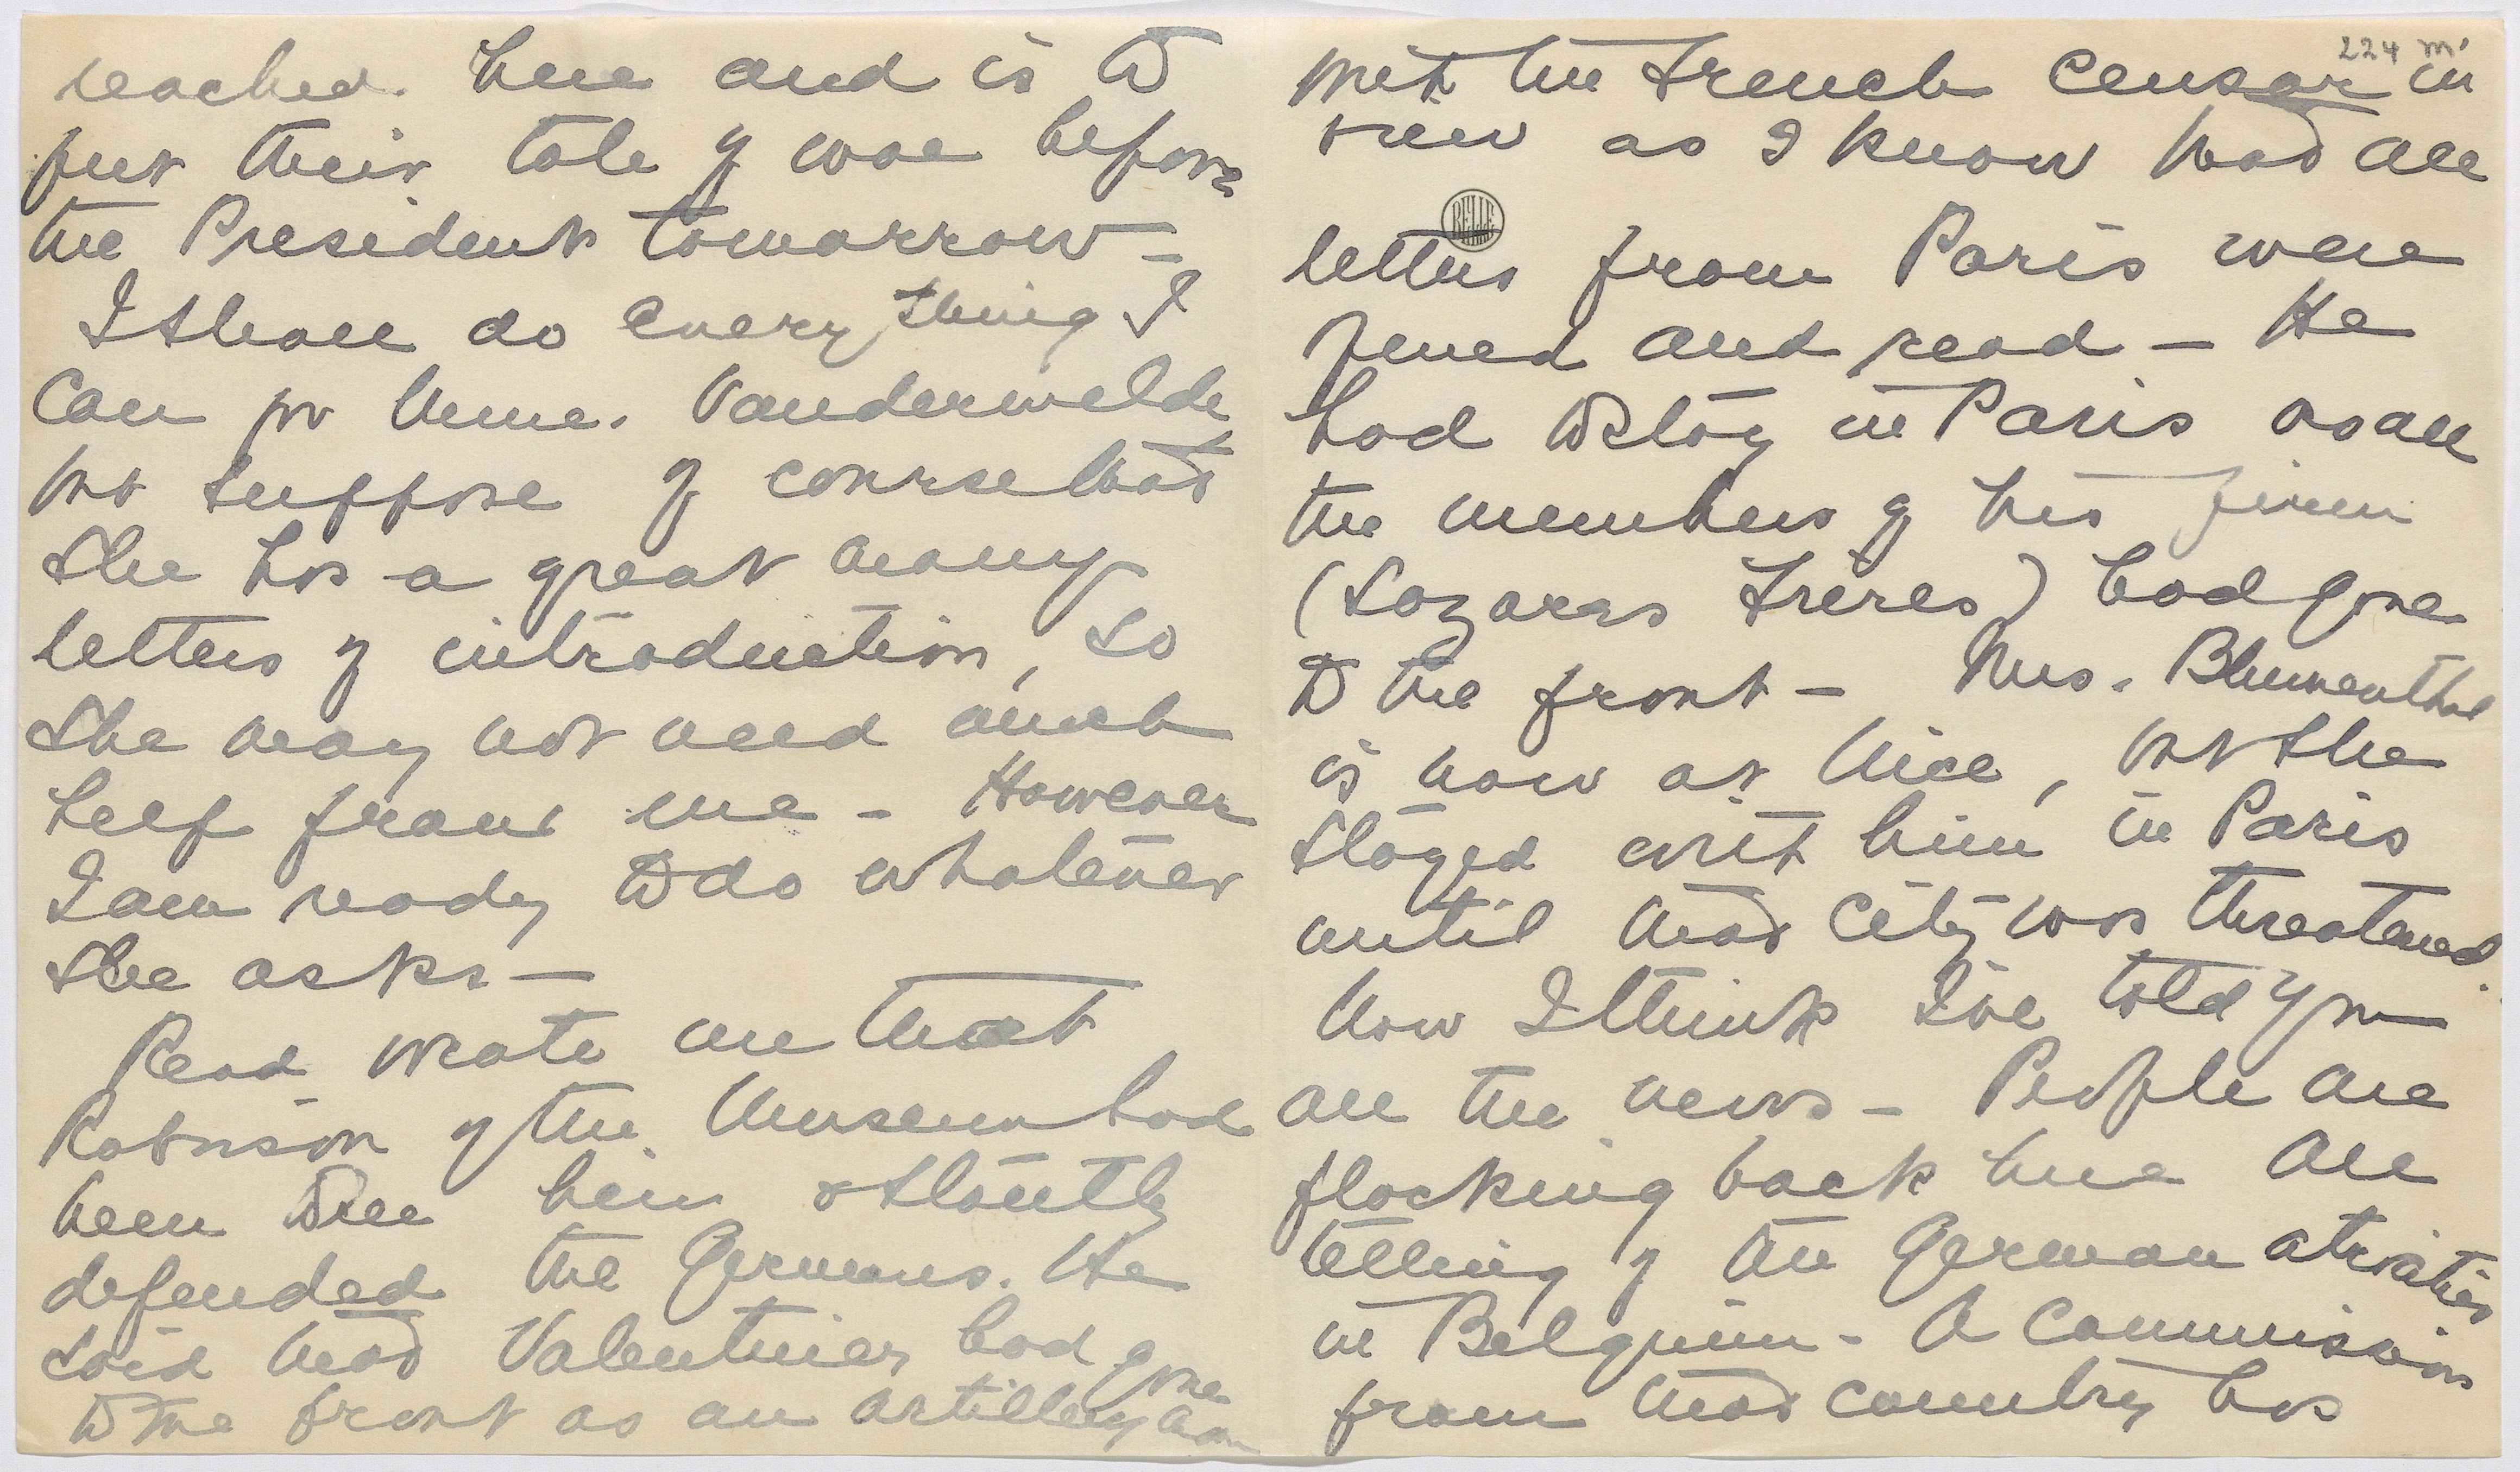with the French censor in view as I know that all letters from Paris were opened and read – He had to stay in Paris as all the members of his firm (Lazards [sic] Frères) had gone to the front – Mrs. Blumenthal is now at Nice, but she stayed with him in Paris until that city was threatened. Now I think I’ve told you all the news – People are flocking back here all telling of the German atrocities in Belgium – A commission from that country has
reached here and is to put their tale of woe before the President tomorrow –
I shall do every thing I can for Mme. Vanderwelde but suppose of course that she has a great many letters of introduction, so she may not need much help from me – However I am ready to do whatever she asks –
Read wrote me that Robinson of the Museum had been to see him & stoutly defended the Germans. He said that Valentiner had gone to the front as an artillery man